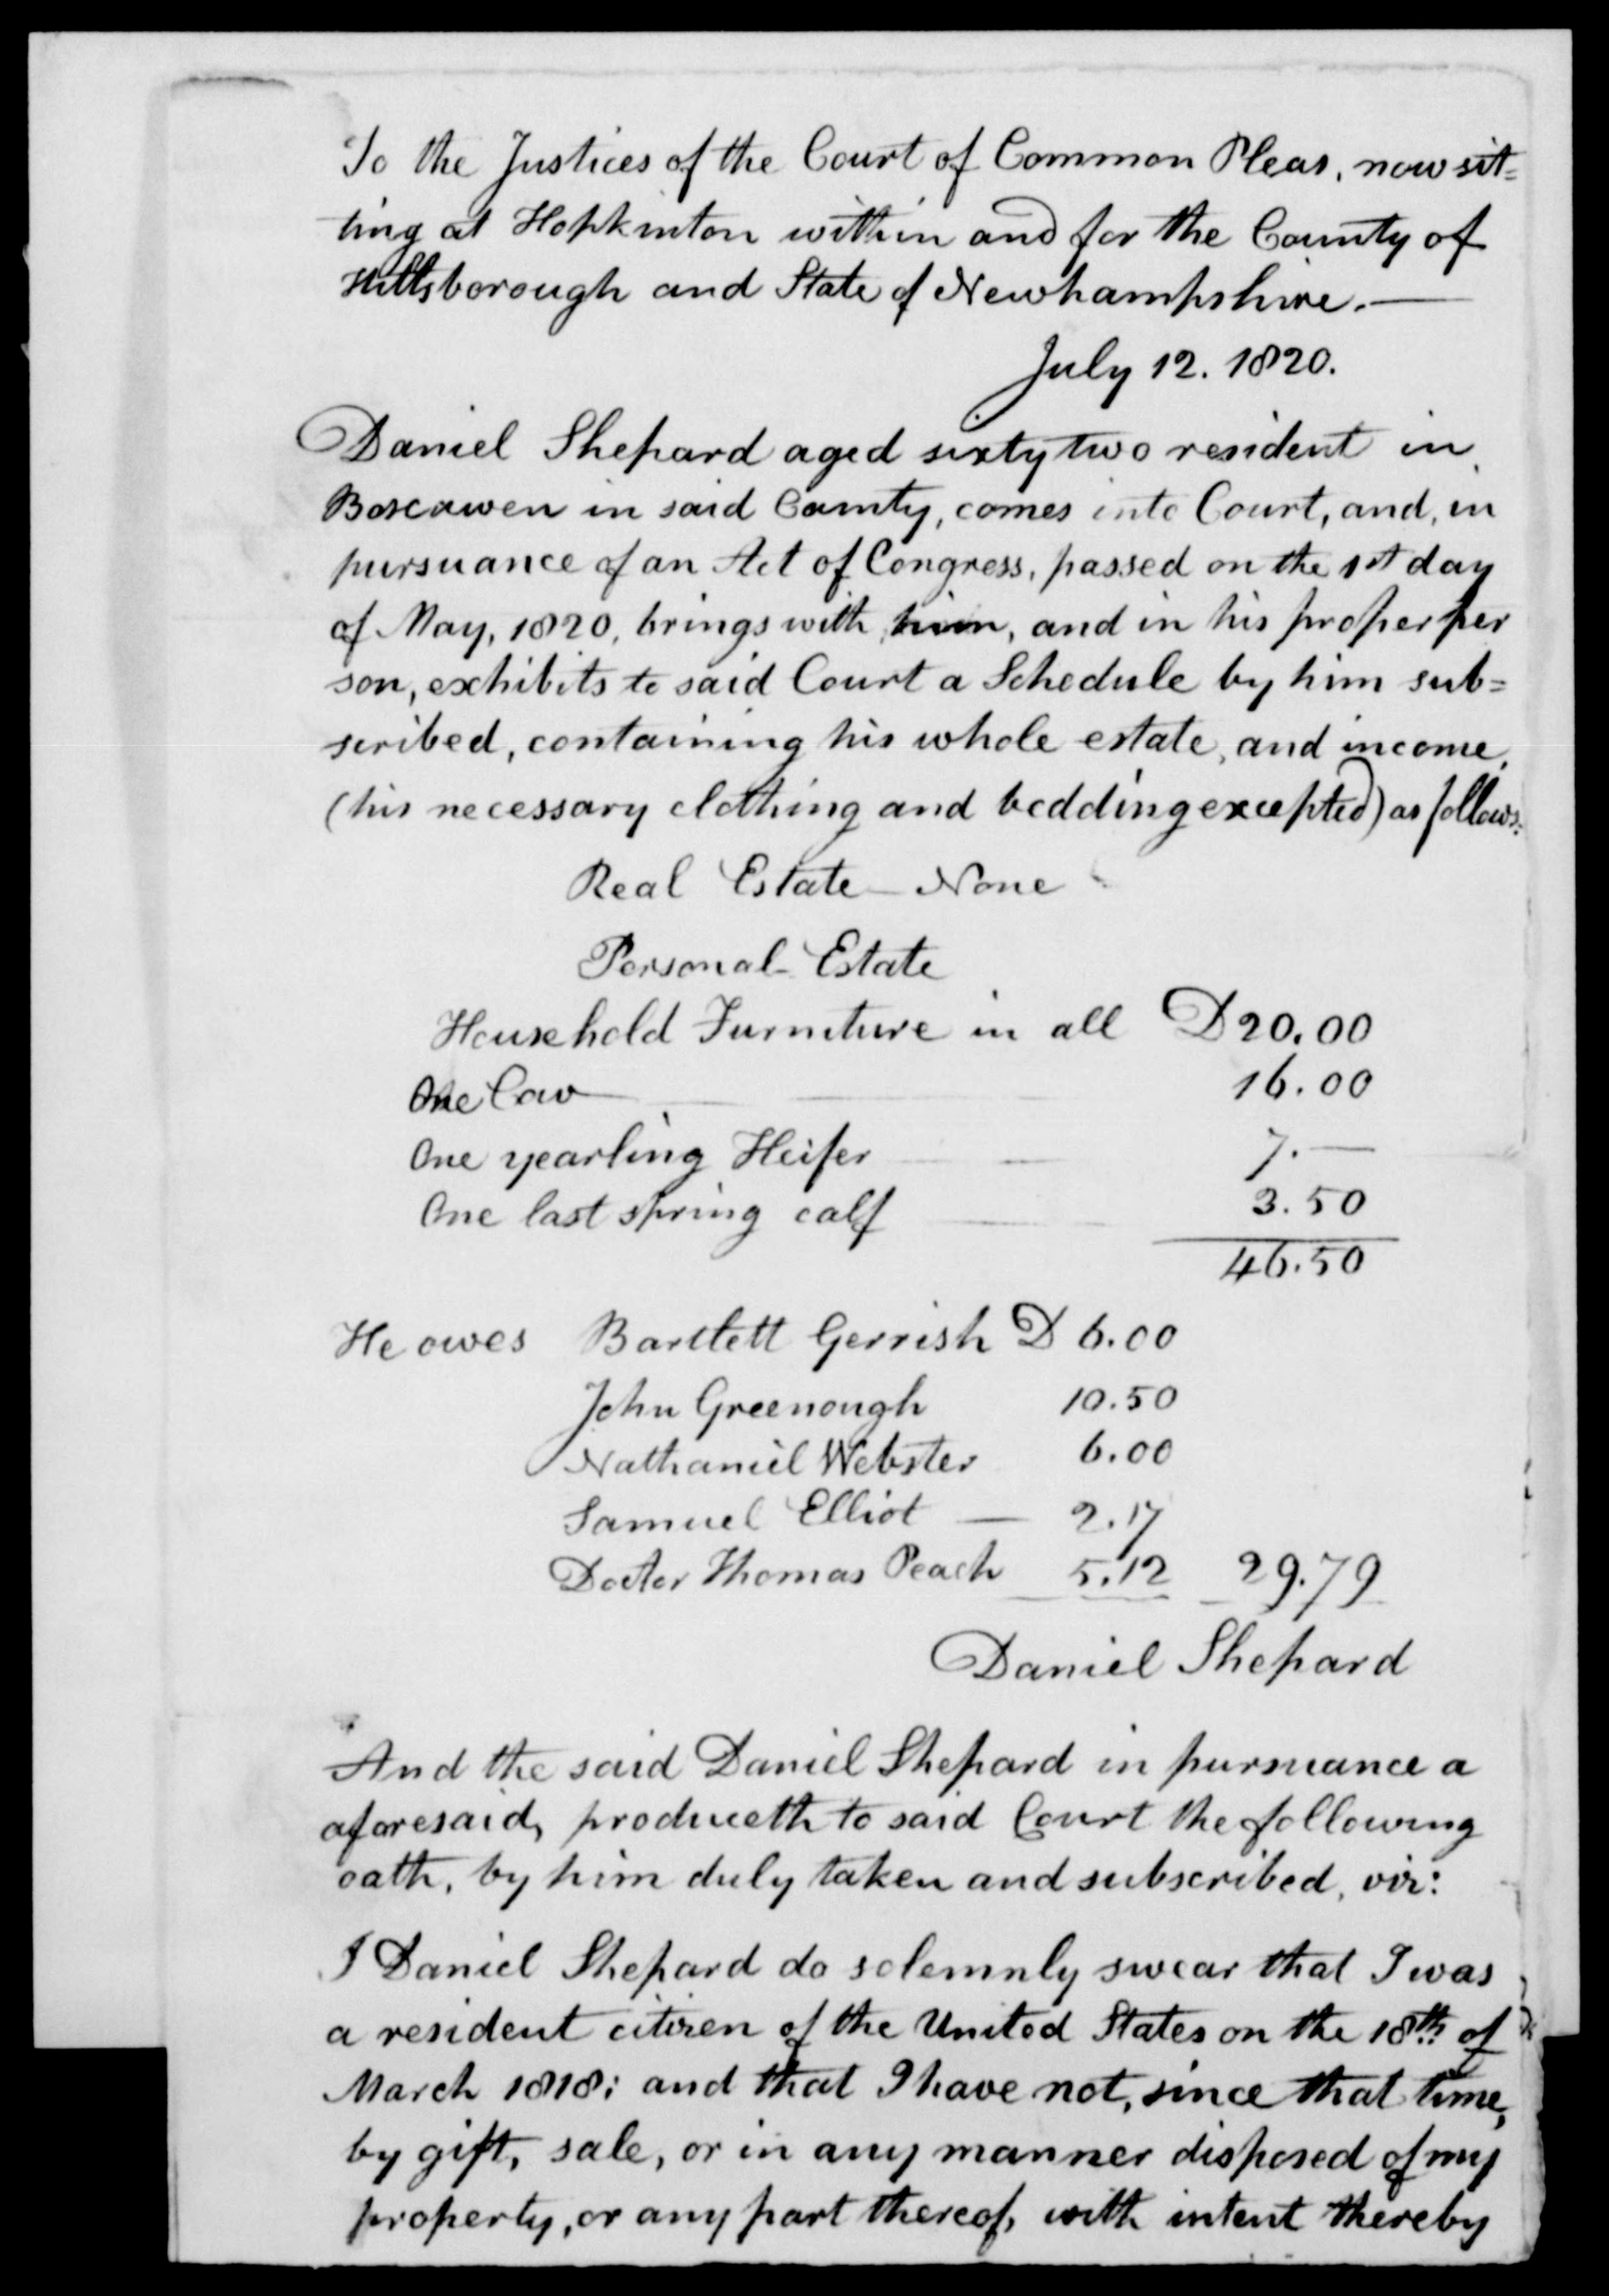To the Justices of the Court of Common Pleas now sitting at Hopkinton within and for the County of
Hillsborough and State of Newhampshire-
July 12. 1820
Daniel Shepard aged sixty two resident in
Boscawen in said County, comes into Court, and in
pursuance of an Act of Congress, passed on the 1st day
of May, 1820, being with him, and in his proper person, exhibits to said Court a Schedule by him subscribed
, containing his whole estate, and income
(his necessary clothing and bedding excepted) as follows
Real Estate None
Personal Estate
Household Furniture in all $20.00
One Cow  16.00
one yearling Heifer  7.
one last spring calf 3.50
46.50

He owes Bartlett Gerrish D 6.00
John Greenough 10.50
Nathaniel Webster 6.00
Samuel Elliot 2.17
Doctor Thomas Peach 5.12 29.79
Daniel Shepard

And the said Daniel Shepard in pursuance a
aforesaid produceth to said Court the following
oath, by him duly taken and subscribed, viz:
I Daniel Shepard do solemnly swear that I was a
resident citizen of the United States on the 18th of 
March 1818; and that I have not since that time
by gift, sale, or in any manner disposed of my
property, or any part thereof with intent thereby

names: Daniel Shepard; Daniel Shepard; Daniel Shepard; Samuel Elliot; Thomas Peach; John Greenough; Nathaniel Webster; Bartlett Gerrish; Daniel Shepard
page: 8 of 25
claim: survivor's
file: S. 43137, for Daniel Shepard, New Hampshire